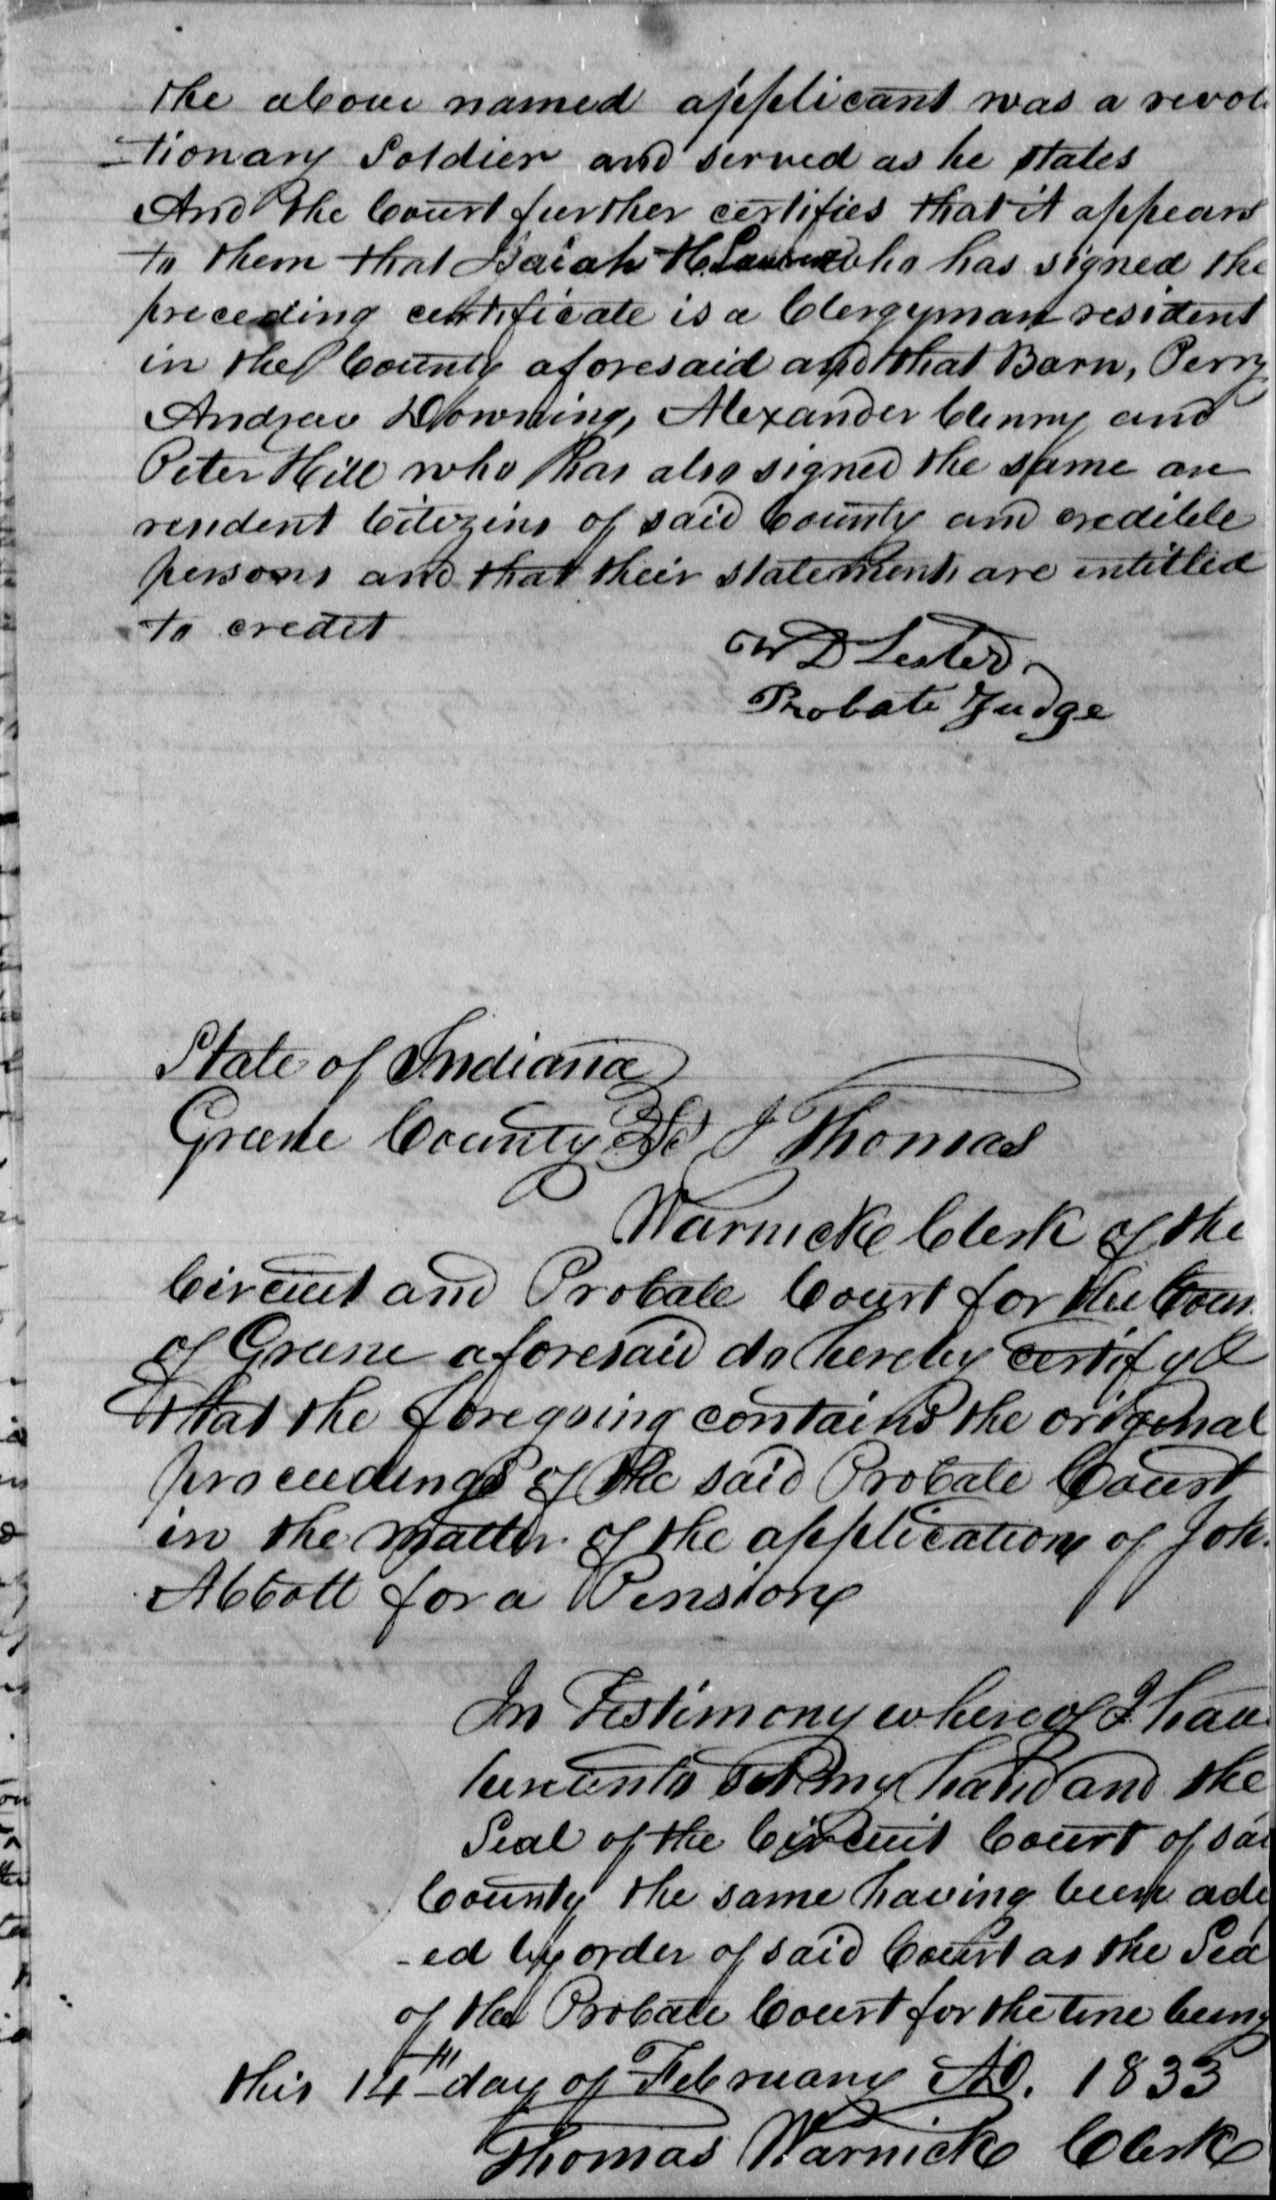the above named applicant was a revoltionary Soldier and served as he states
And the Court further certifies that it appears
to them that Isaiah C. Laurance who has signed the
preceding certificate is a Clergyman resident
in the County aforesaid and that Barn, Perry
Andrew Downing, Alexander Clenny and
Peter Hill who has also signed the same are
are
resident Citizens of said County and credible
persons and that their statements are entitled
to credit
W. D. Lester -
Probate Judge

State of Indiana
Greene County
 Thomas Warnick Clerk of the
Circuit and Probate Court for the County
of Greene aforesaid do hereby certify
that the foregoing contains the original
proceedings of the said Probate Court
in the matter of the application of John
Abbott for a Pension
In Testimony whereof I have
hereunto set my hand and the
Seal of the Circuit Court of said
County the same having been [illegible] by order of said Court as the Seal
of the Probate Court for the time being
this 14th day of February AD. 1833
Thomas Warnick Clerk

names: Alexander Clenny, Isaiah H Laurence, St J Thomas, W D Lester, Peter Hill, Andrew Downing, Thomas Warnick, John Abbott, Barn Perry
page: 6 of 35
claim: survivor's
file: S. 32089, John Abbott, Continental N. C.